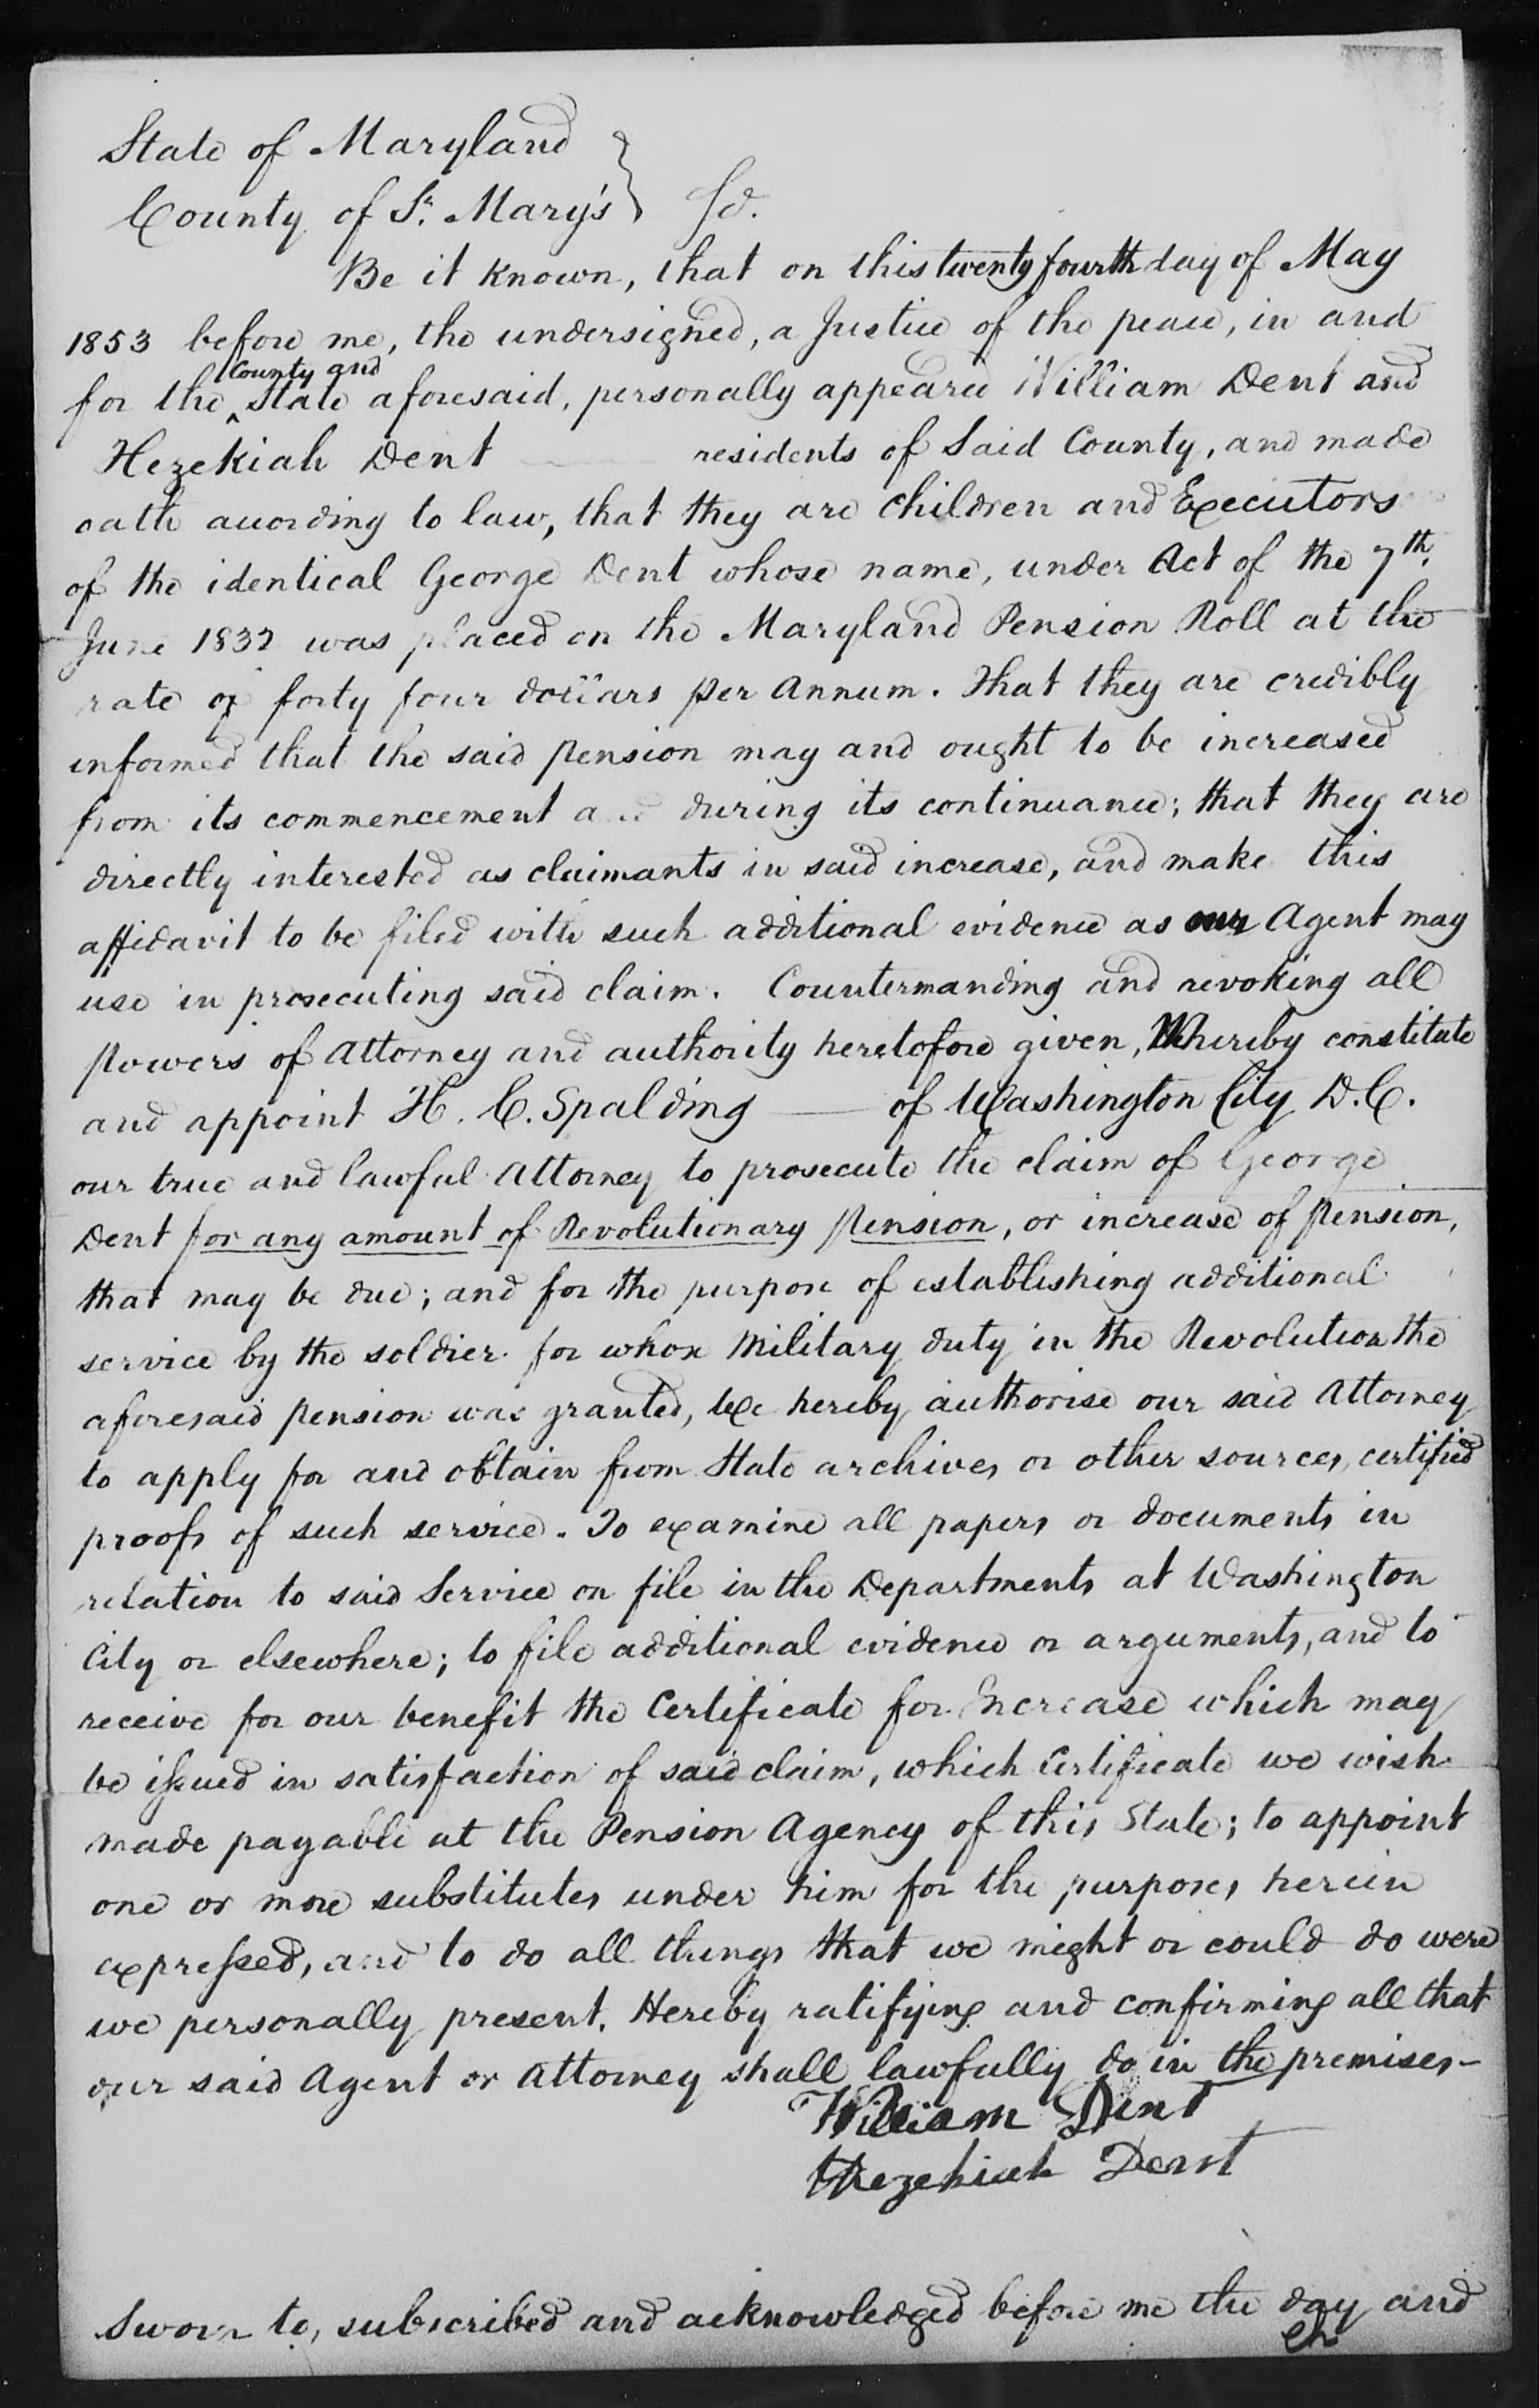State of Maryland
County of S. Mary's Co.
Be it known, that on this twenty fourth day of May
1853 before me, the undersigned, a Justice of the peace, in and
for the County and State aforesaid, personally appeared William Dent and Hezekiah Dent residents of said County, and made
oath according to law, that they are children and Executors
of the identical George Dent whose name, under act of the 7th
June 1832 was placed on the Maryland Pension Roll at the
rate of forty four dollars per annum. That they are credibly
informed that the said pension may and ought to be increased
from its commencement and during its continuance; that they are
directly interested as claimants in said increase, and make this
affidavit to be filed with such additional evidence as our Agent may
use in prosecuting said claim. Countermanding and revoking all
powers of attorney and authority heretofore given, Whereby constitute
and appoint H. C. Spalding
of Washington City D.C.
our true and lawful attorney to prosecute the claim of George
Dent for any amount of Revolutionary Pension, or increase of pension
that may be due; and for the purpose of establishing additional
service by the soldier for whose military duty in the Revolution the
aforesaid pension was granted, be hereby authorize our said Attorney
to apply for and obtain from State archives or other sources, certified
proof of such service. To examine all papers or documents in
relation to said service on file in the Departments at Washington
City or elsewhere; to file additional evidence or arguments, and to
receive for our benefit the Certificate for Increase which may
be issued in satisfaction of said claim, which certificate we wish
made payable at the Pension Agency of this State; to appoint
one or more substitutes under him for the purposes herein
expressed, and to do all things that we might or could do were
we personally present. Hereby ratifying and confirming all that
our said agent or attorney shall lawfully do in the premises
Hezekiah Dent
Sworn
to subscribed and acknowledged before me the day and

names: H C Spalding, George Dent, Hezekiah Dent, Hezekiah Dent, George Dent, William Dent, William Dent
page: 13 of 49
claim: survivor's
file: S. 12755, George Dent, Md.